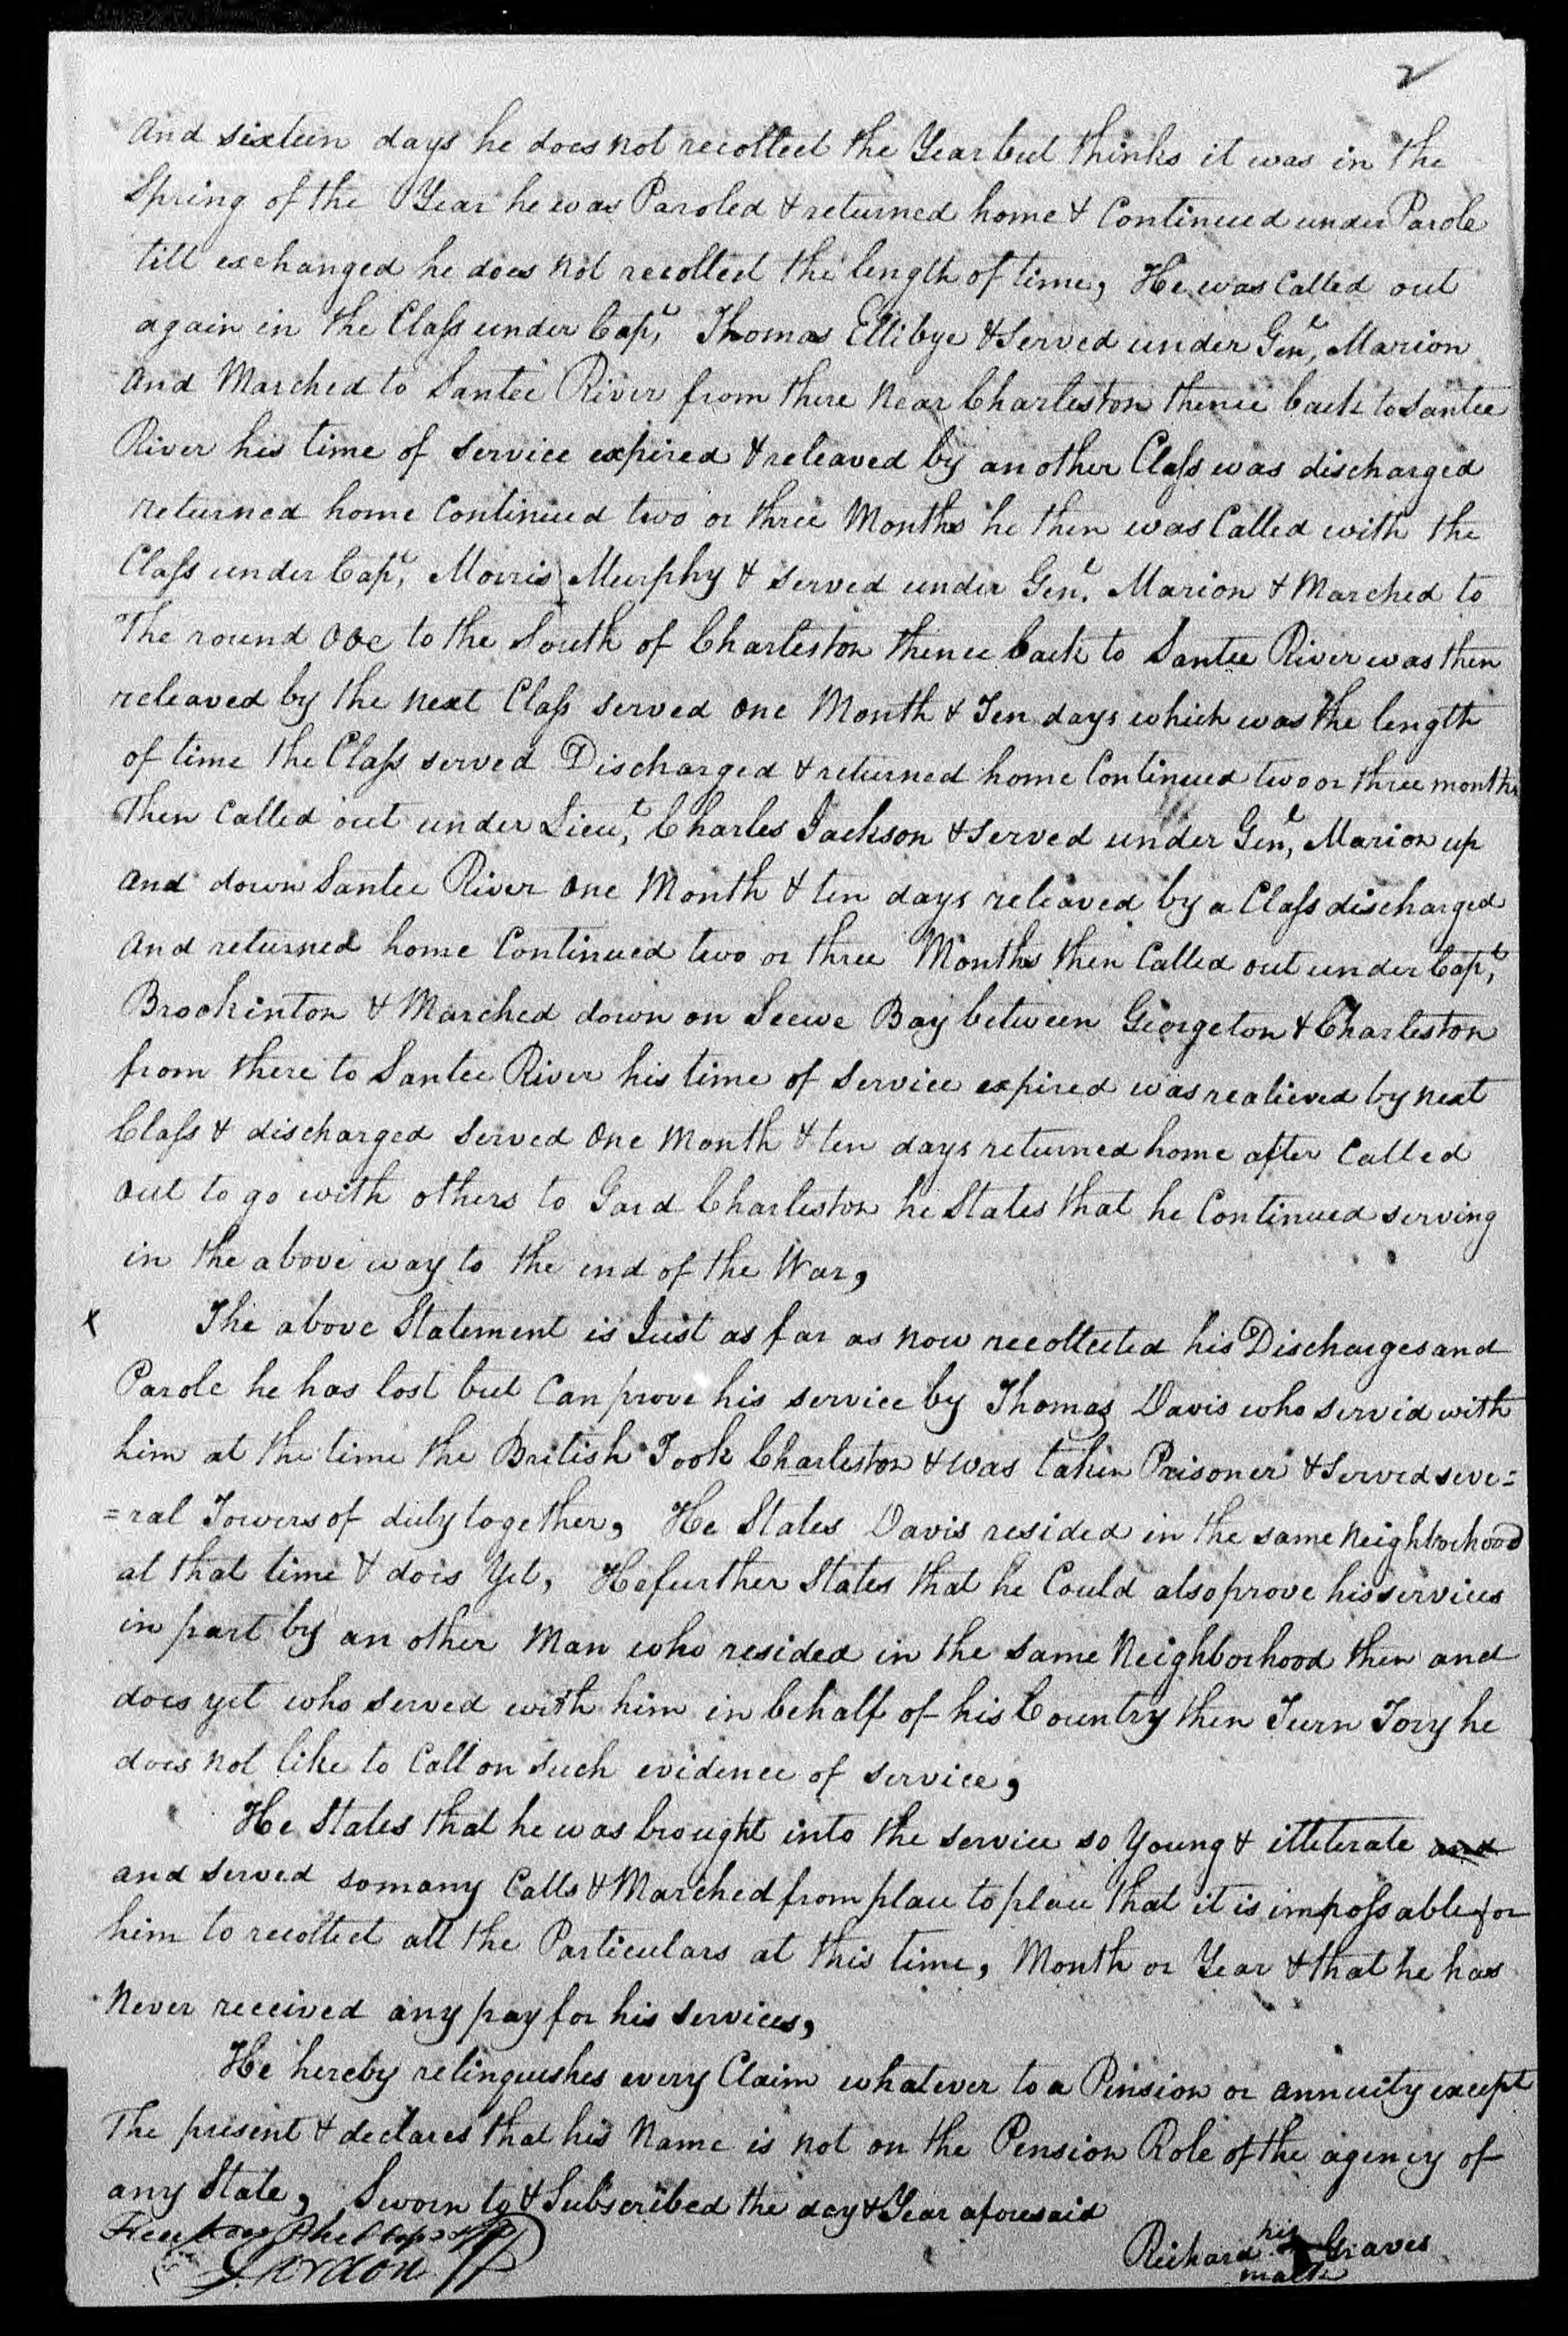And sixteen days he does not recollect the Year but thinks it was in the 
Spring of the Year he was Paroled + returned home + Continued under Parole
till exchanged he does not recollect the length of time, He was Called out 
again in the class under Cap. Thomas Ellibye + Served under Gen. Marion
And Marched to Santee River from there Near Charleston thence back to Santee
River his time of Service expired + released by an other class was discharged 
returned home Continued two or three months he then was Called with the
Class under Capt Morris Murphy + served under Gen. Marion + Marched to
the round Obe to the South of Charleston thence back to Santee River was then
relieved by the next class served one month + ten days which was the length 
of time the class served discharged + returned home Continued two or three months 
then called out under Lieu Charles Jackson + served under Gen Marion up
and down Santee River one month and ten days relieved by a class discharged 
and returned home Continued two or three months the called out under Capt
Brockinton + marched down on Seewe Bay between Georgeton and Charleston
from there to the Santee river his time of service expired and was relieved by next 
class + discharged served one month + ten days returned home after called
out to go with others to gard Charleston he states that he Continued serving
in the above way to the end of the war.

The above statement is just as far as now recollected his Discharge and
Parole he has lost but can prove his service by Thomas Davis who served with 
him at the British took Charleston + was taken prisoner +served several 
tours of duty together, He states Davis resided in the same neighborhood 
at that time and does yet, He further states that he could also prove his services
 in part by another man who resided in the neighborhood then and
 does yet who served with him in behalf of his Country then turn tory 
he does not like to call on such evidence of service,

He states that he was brought into service to young + illiterate 
and served so many calls + Marched from place to place that it is impossible for
him to recollect all the Particulars at this time, Month or year + that he has 
never received any pay for his services,

He hereby relinquishes every Claim whatever to a pension or annuity except
the present + declares that his name is not on the pension roll of the agency of
any state , Sworn to and subscribed to the day and year aforesaid 
J Gordon 
Richard Graves his x mark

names: Marion, Marion, Marion, Thomas Ellibye, Thomas Davis, Morris Murphy, Richard Graves, Brockinton, J Gordon, Charles Jackson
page: 5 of 15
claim: survivor's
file: S. 8598, Richard Graves, S.C.